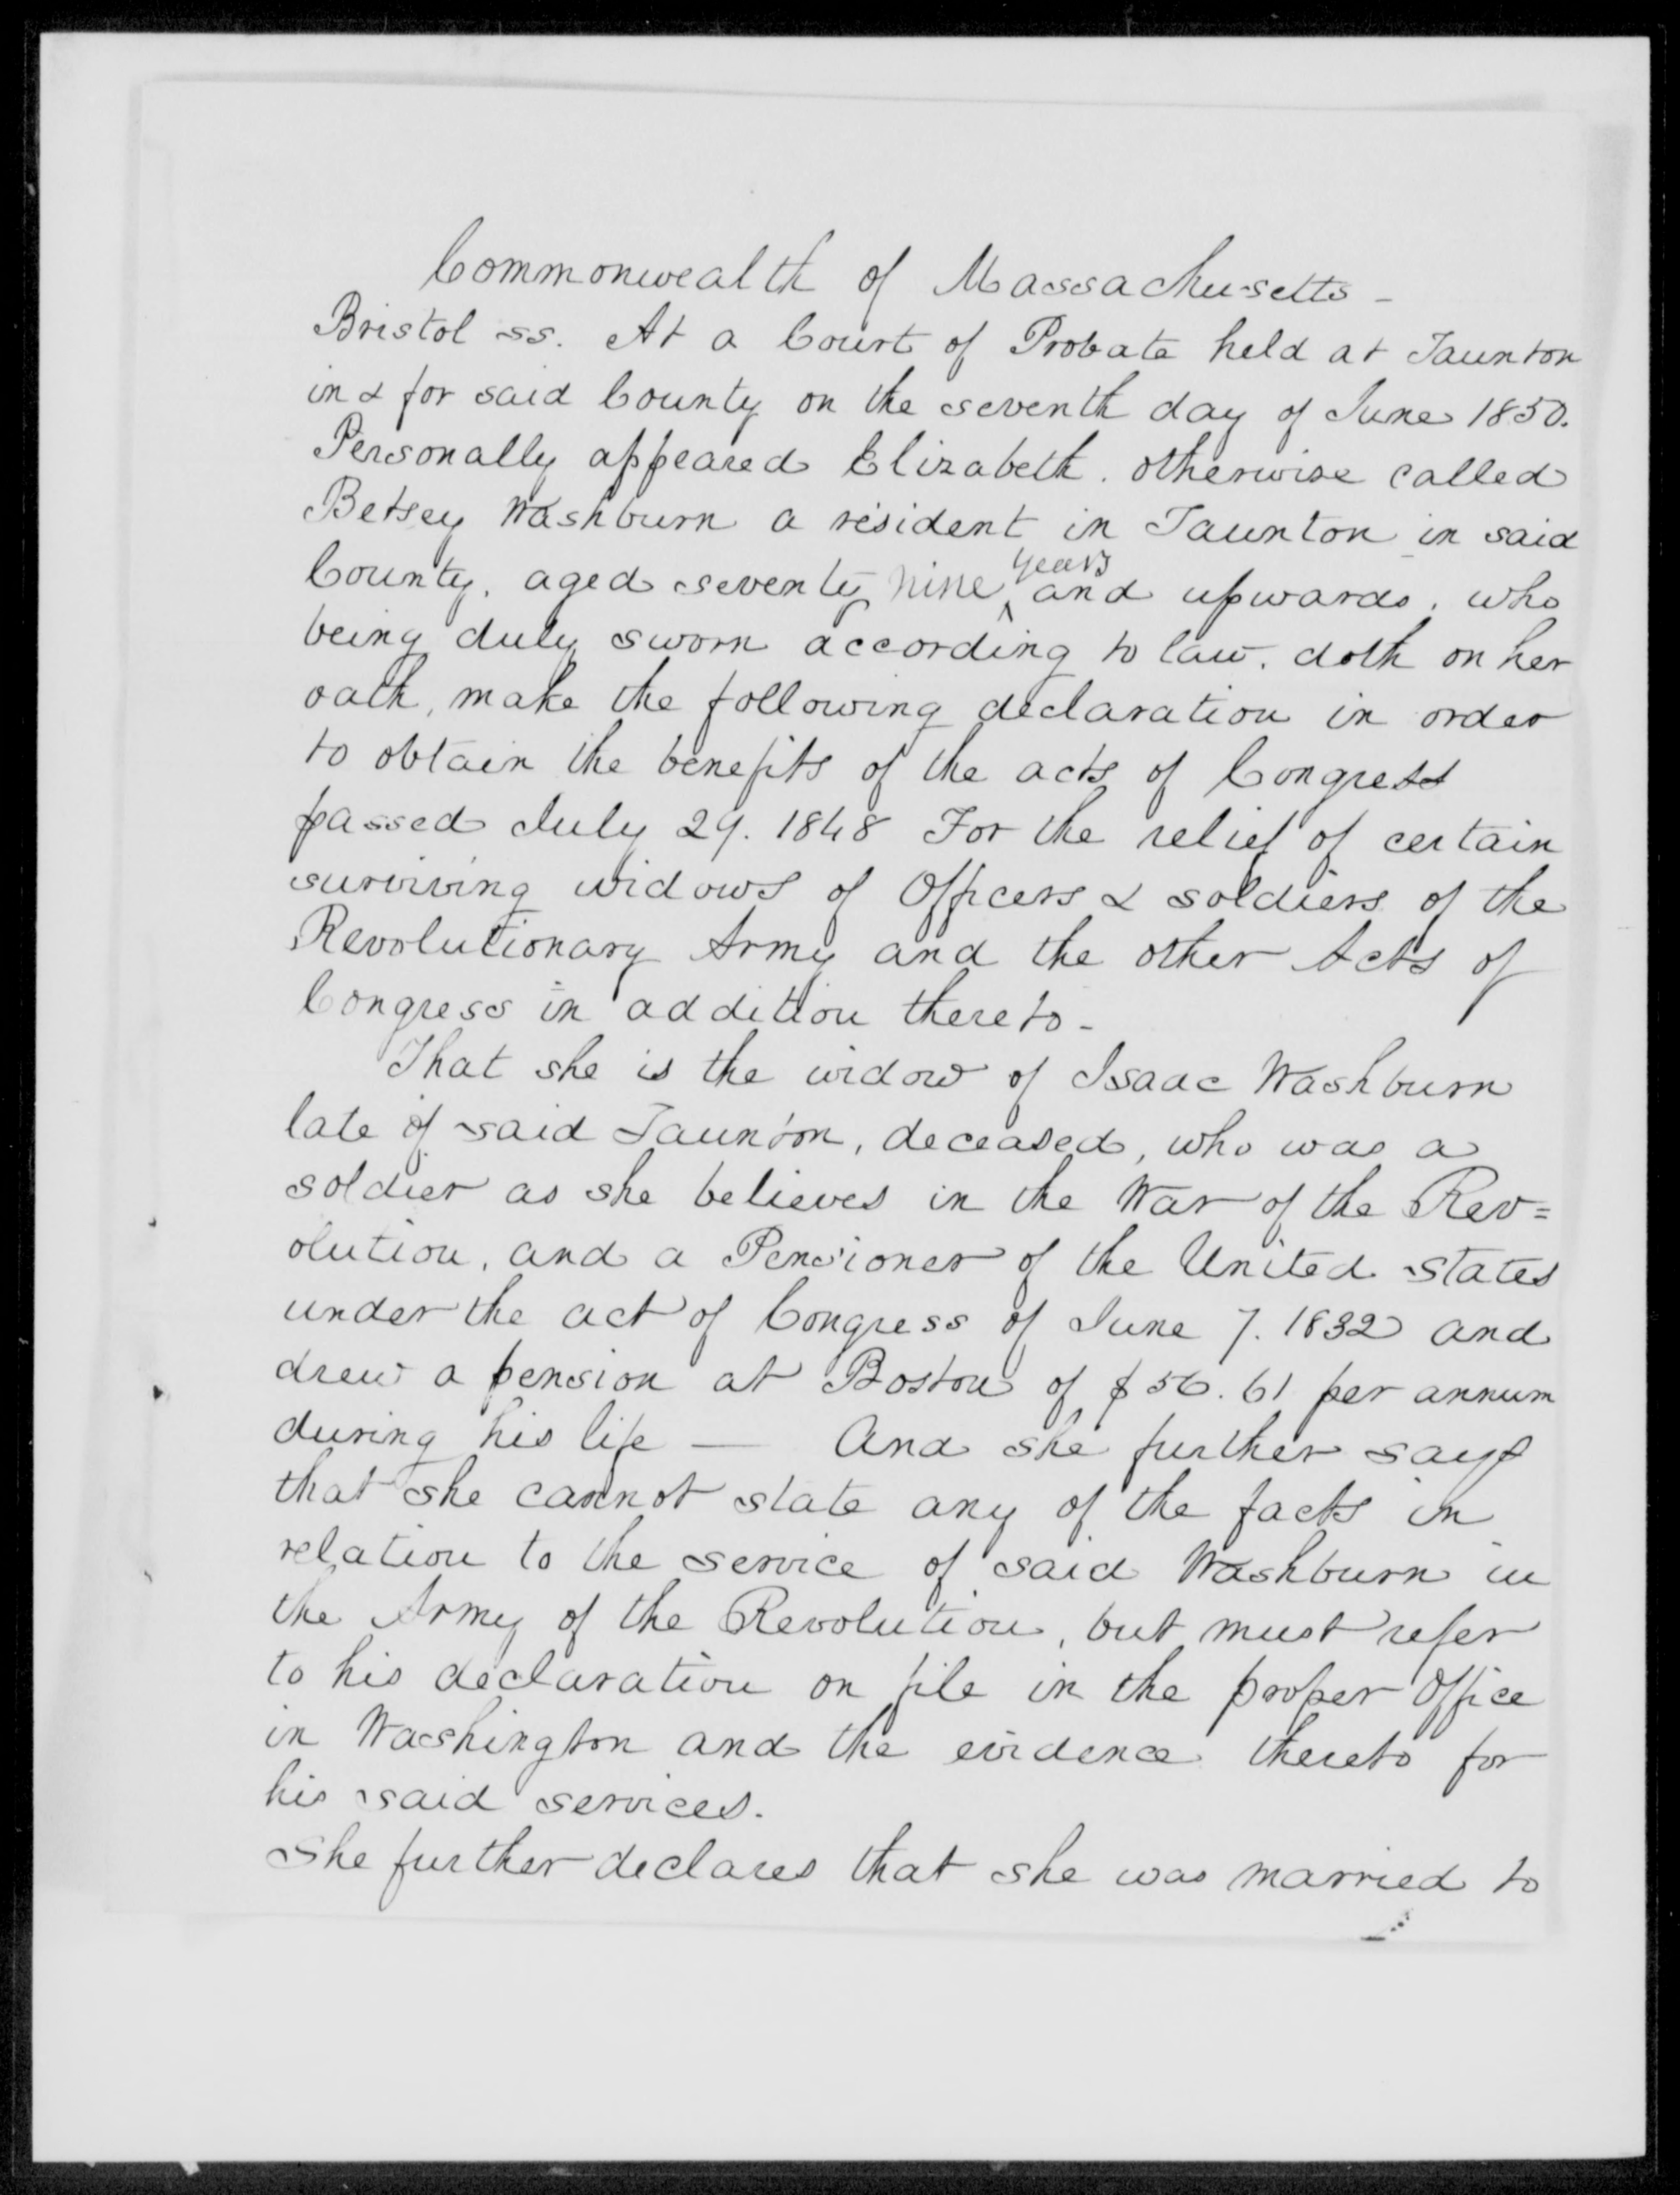Commonwealth of Massachusetts -
  Bristol ss. 
  At a Court of Probate held at Taunton in & for said County on the seventh day of June 1850.
Personally appeared Elizabeth, otherwise called Betsey Washburn a resident in Taunton in said Count, aged seventy- nine years and upwards, who being duly sworn according to law, doth on her oath make the follow declaration in order to obtain the benefit of the acts of Congress passed July 29, 1848 For the relief of certain surviving widows of Officers & soldiers of the Revolutionary Army and the other Acts of Congress in addition thereto-

  That she is the widow of Isaac Washburn late of said Taunton, deceased who was a soldier as she believes in the War of the Revolution, and a Pensioner of the United States under the act of Congress of June 7, 1832 and drew a pension at Boston of $56.61 per annum during his life—
And she further says that she cannot state any of the facts in relation to the service of shia dWashburn in the Army of the Revolution, but must refer to his declaration on file in the proper office in Washington and the evidence thereto for his said services.
  She further declares that she was married to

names: Elizabeth, Isaac Washburn, Betsey Washburn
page: 6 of 34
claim: widow's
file: W. 1677, Isaac Washburn, Mass.